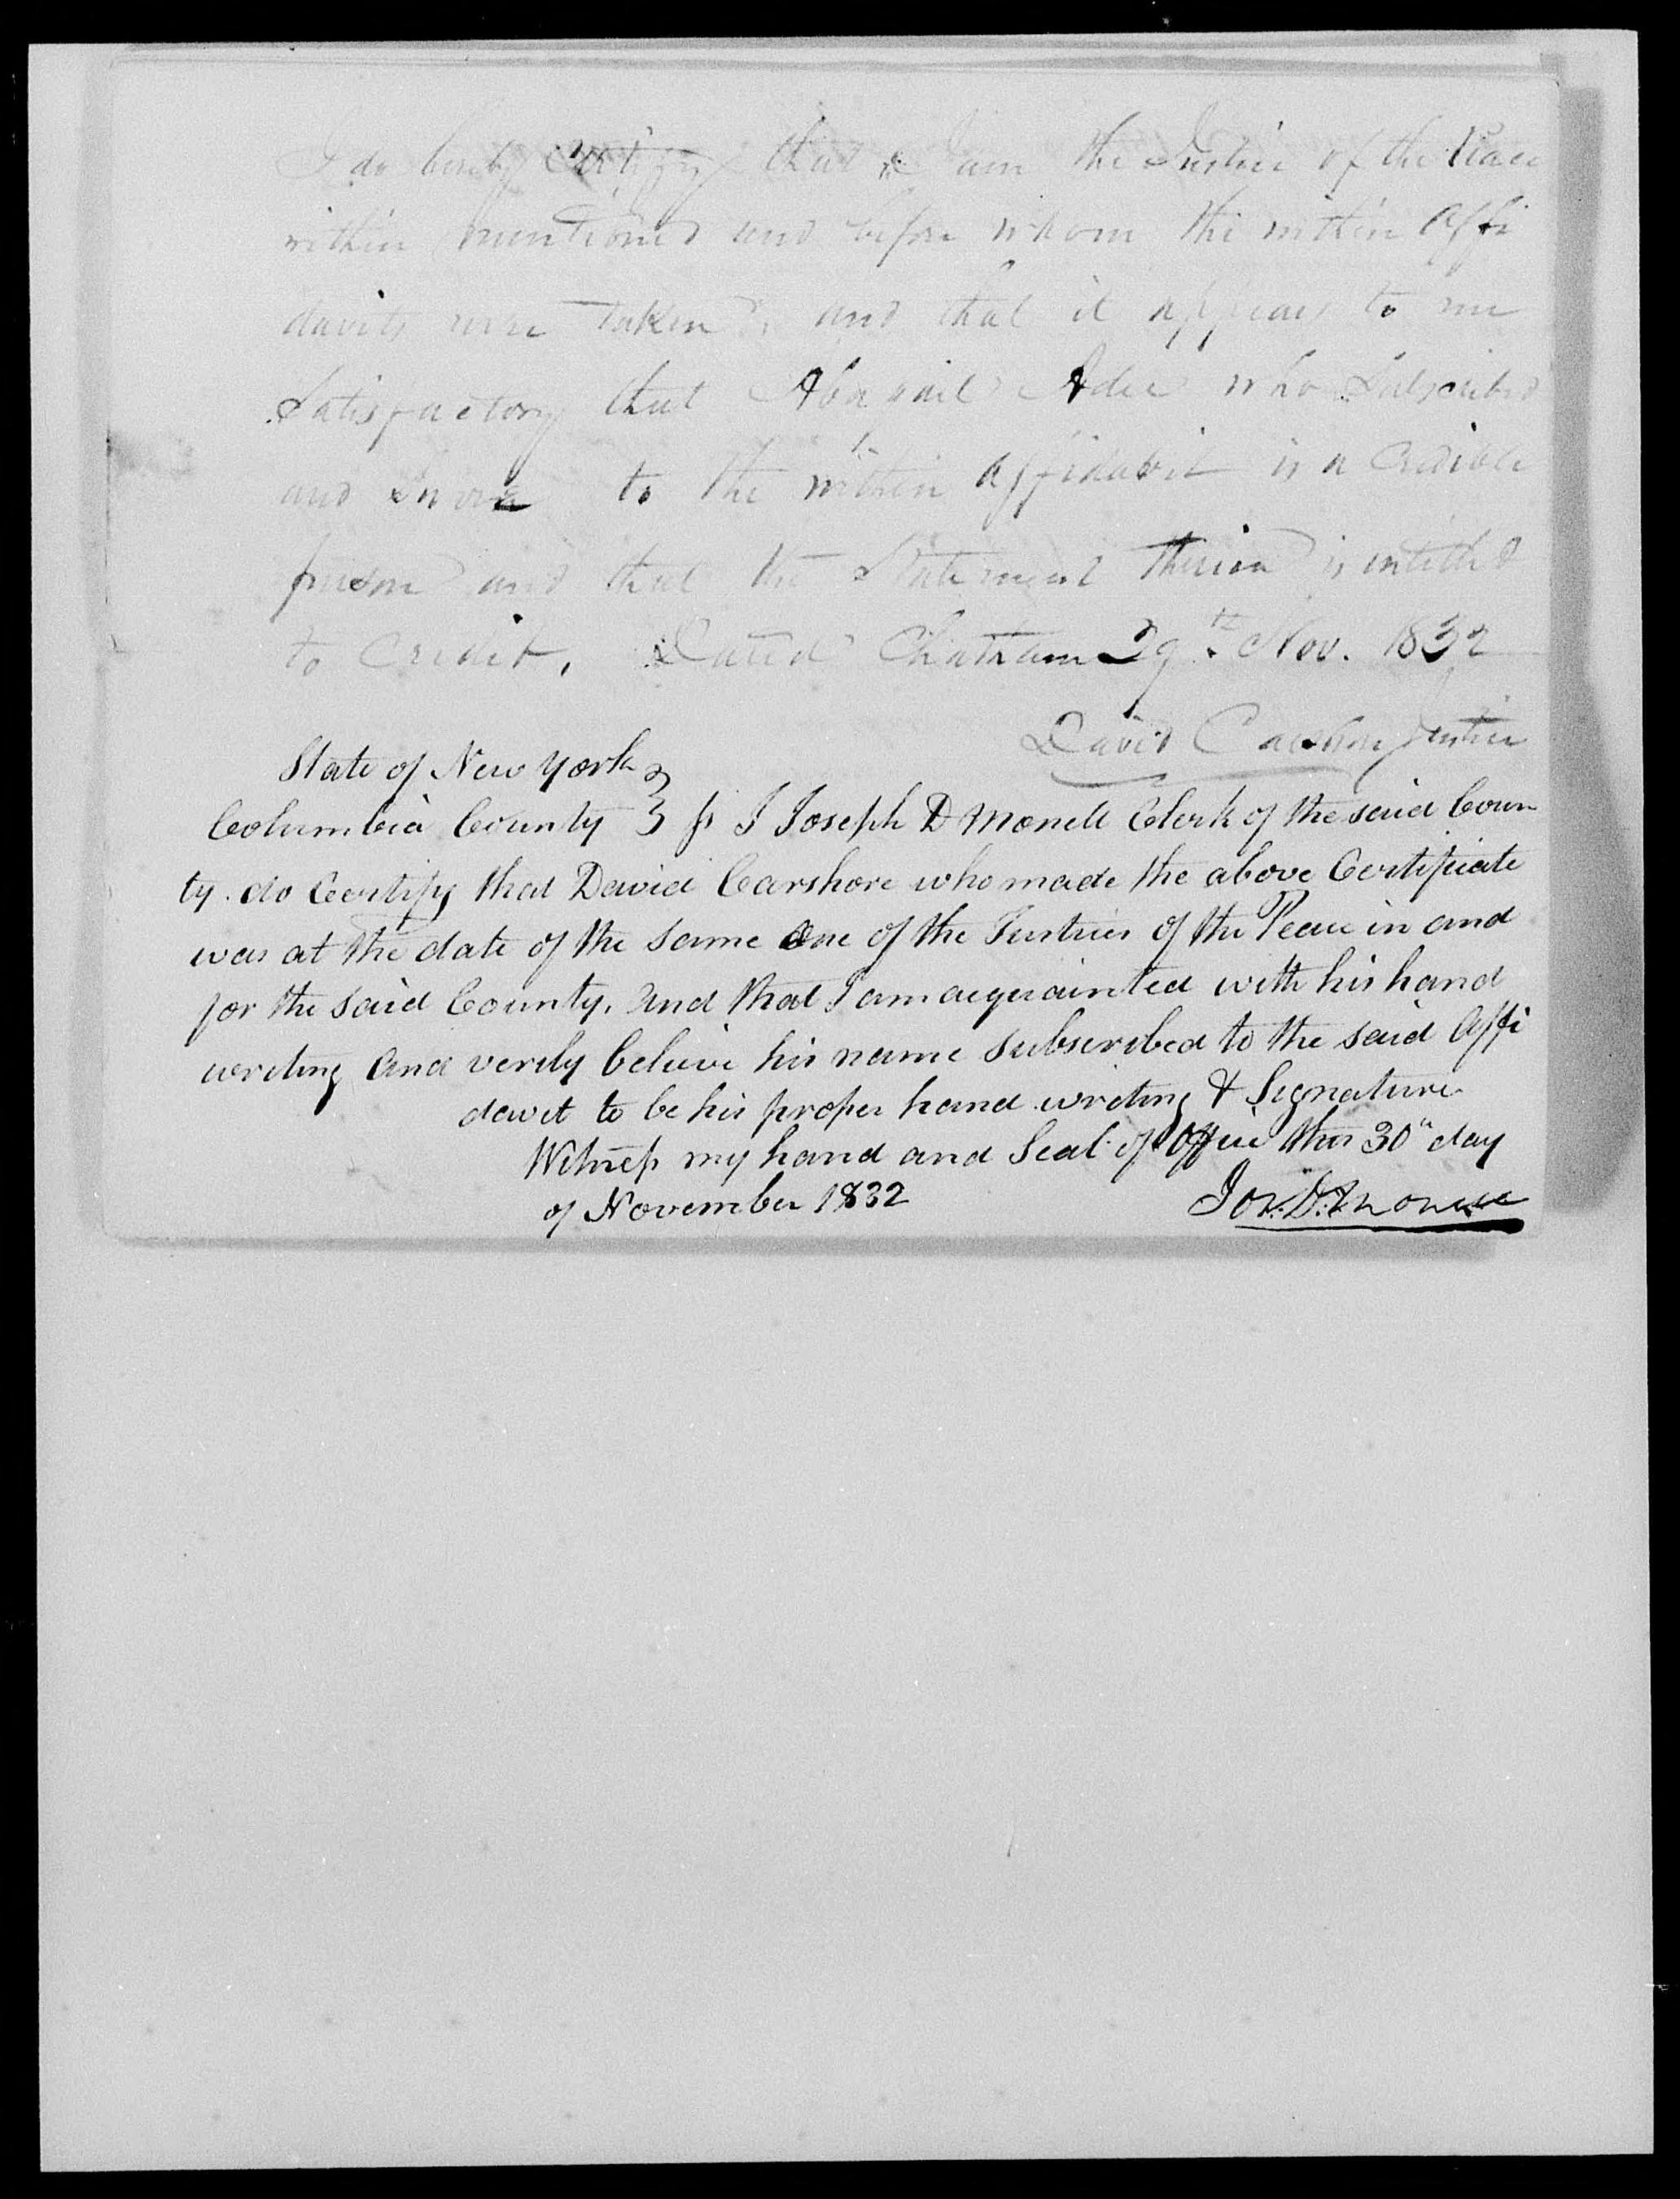I do hereby certify that I am the Justice of the Peace within mentioned and before whom the within affidavits were taken, and that it appears to me satisfactory that Abigail Adie who subscribed and swore to the within affidavit is a credible person and that the statement therein is entitled to credit.
Dated Chatham 29th Nov. 1832
Davis Carshore Justice

State of New York
Columbia County ⎬ Ss
I Joseph D Monell Clerk of the said County do certify that David Carshore who made the above certificate was at the date of the same one of the Justices of the Peace in and for the said County, and that I am acquainted with his hand writing and verily believe his name subscribed to the said affidavit to be his proper hand writing & signature
Witness my hand and seal of office this 30th day of November 1832
Jos. D. Morell
-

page: 6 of 28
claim: survivor's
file: S. 21,872, for Thomas Lyon, New York